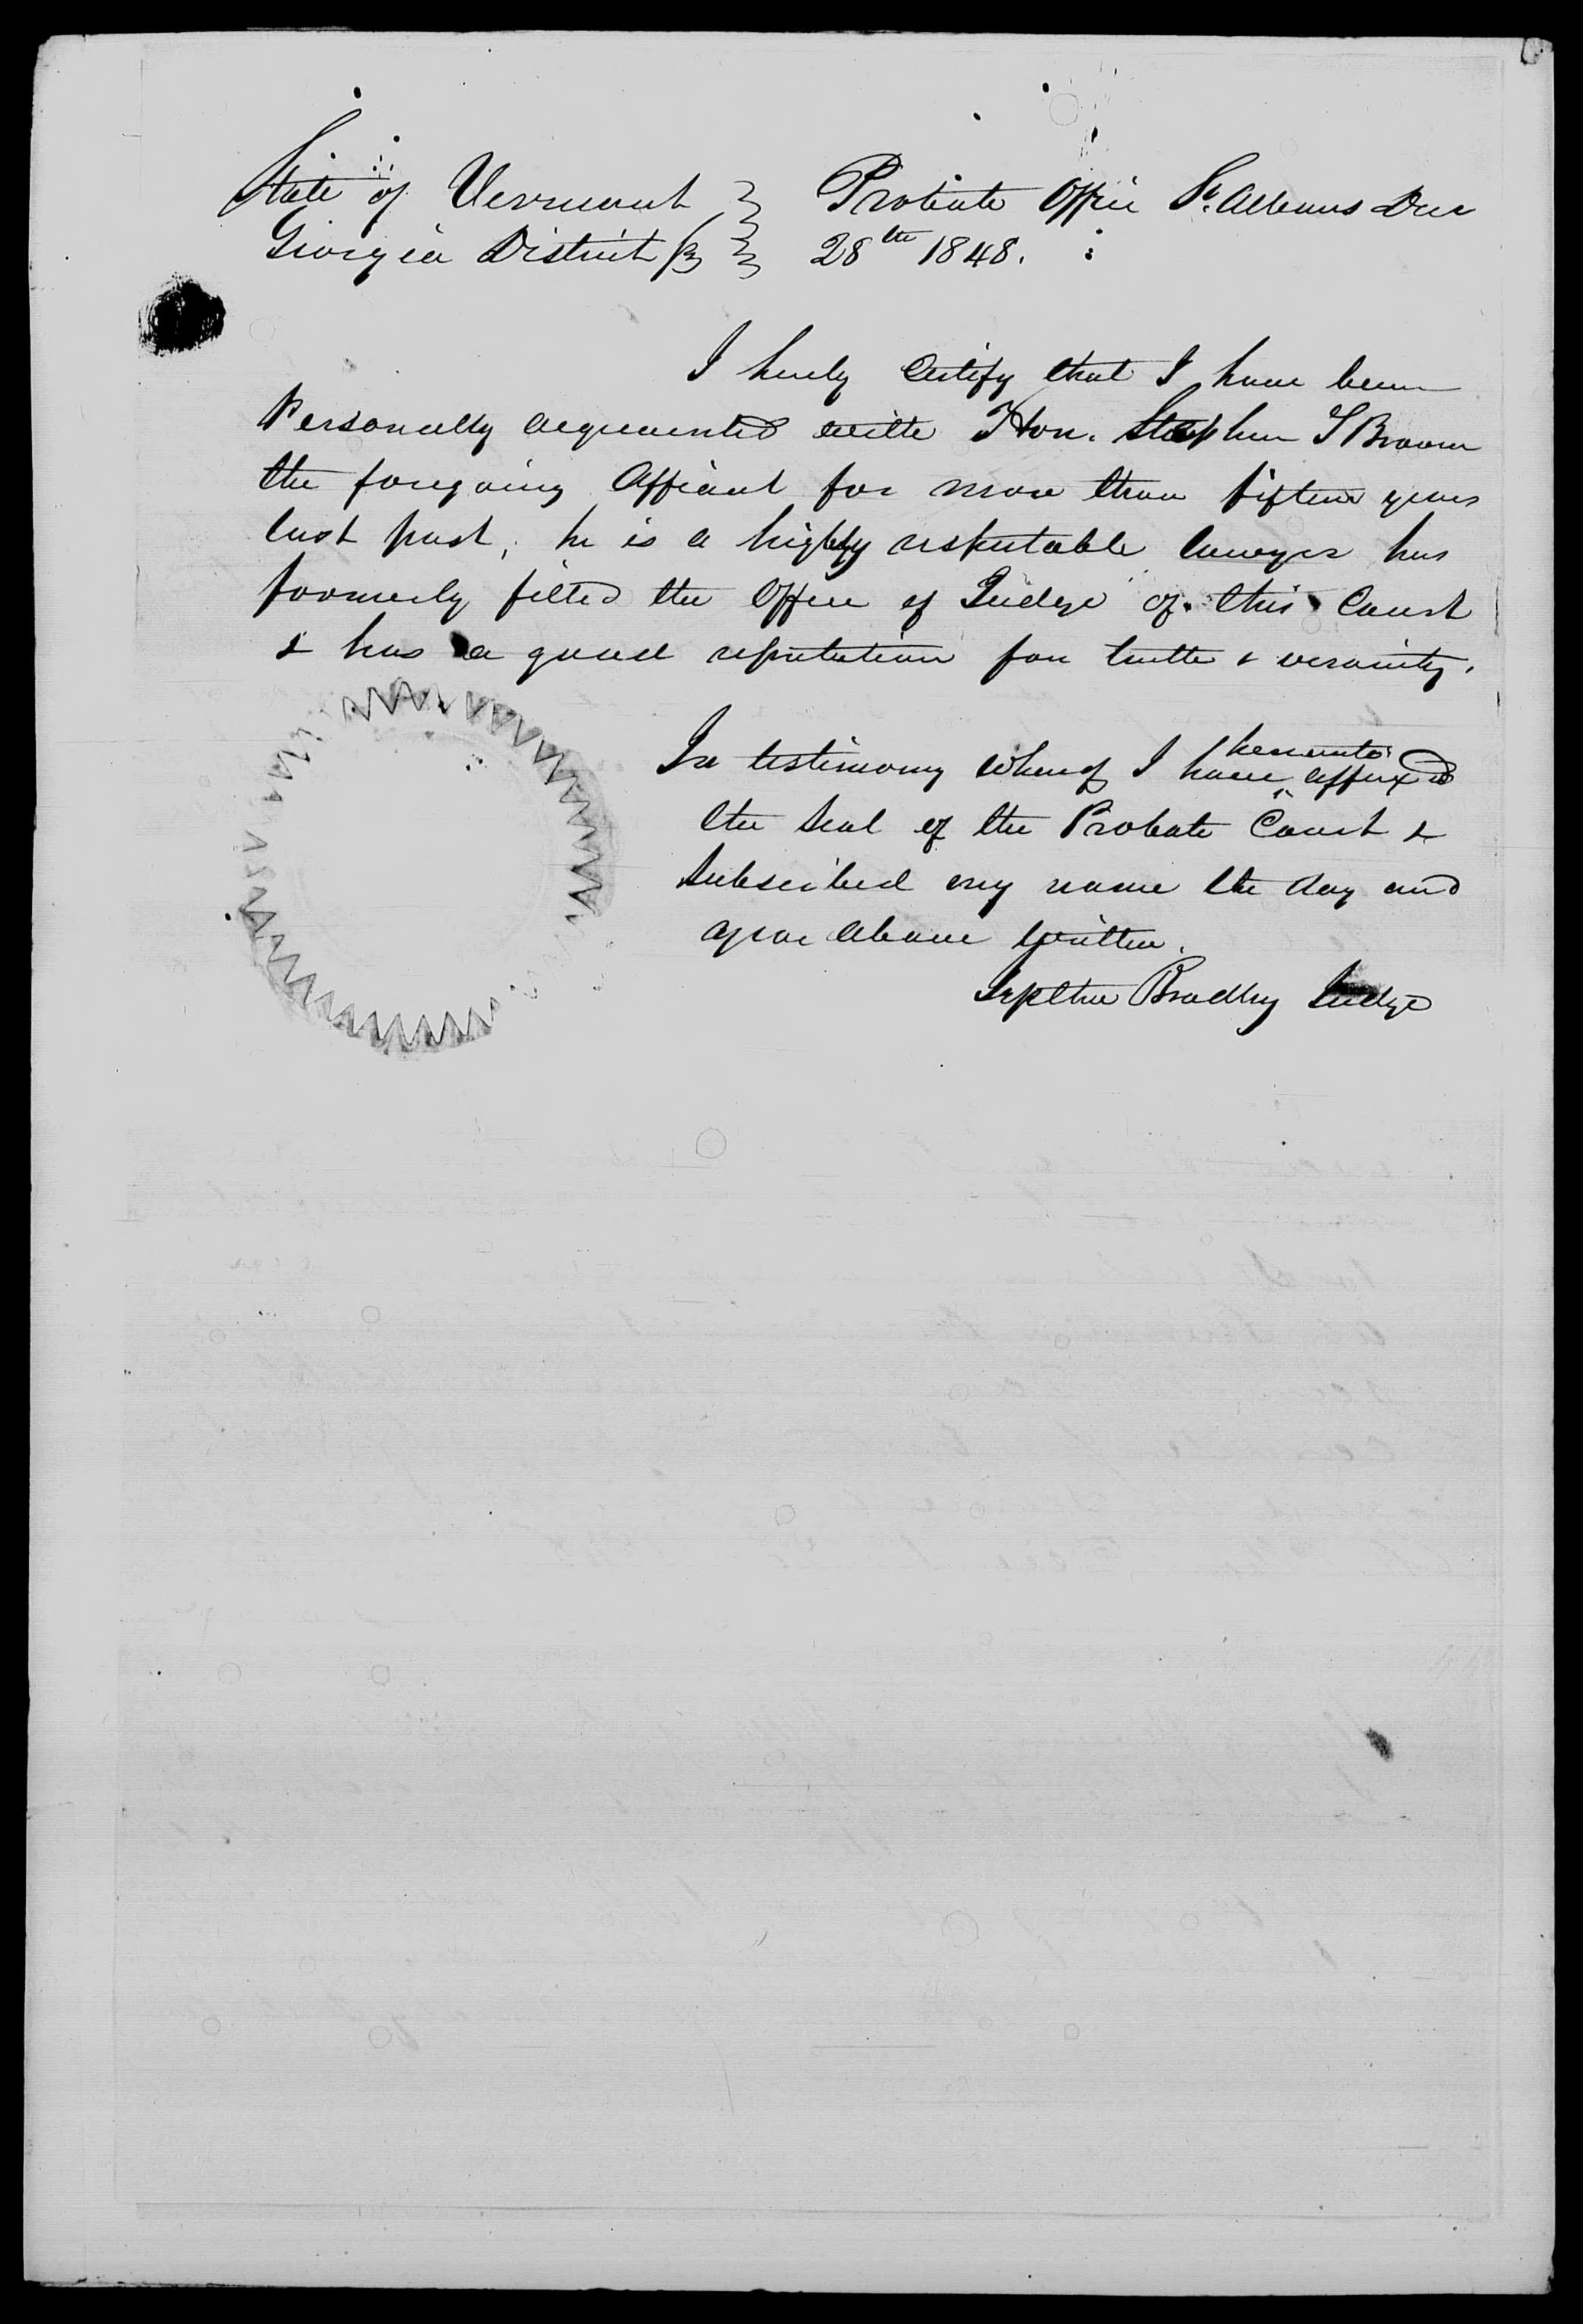State of Vermont Georgia District ss
Probate Office St. Albans Dec’r 28th 1848.
I hereby certify that I have been
Personally acquainted with Hon. Stephen S Brown
the foregoing affiant for more than fifteen years
last past, he is a highly respectable lawyer has
formerly filled the Office of Judge of this Court
& has a good reputation for truth & veracity.
In testimony whereof I have hereto affixed
the Seal of the Probate Court & subscribed my
 name the day and year above written.
Arthur Bradley Judge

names: Jeptha Bradley; Stephen T Brown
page: 51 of 99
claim: widow's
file: W. 24,482, for Richard Lattin, Vermont